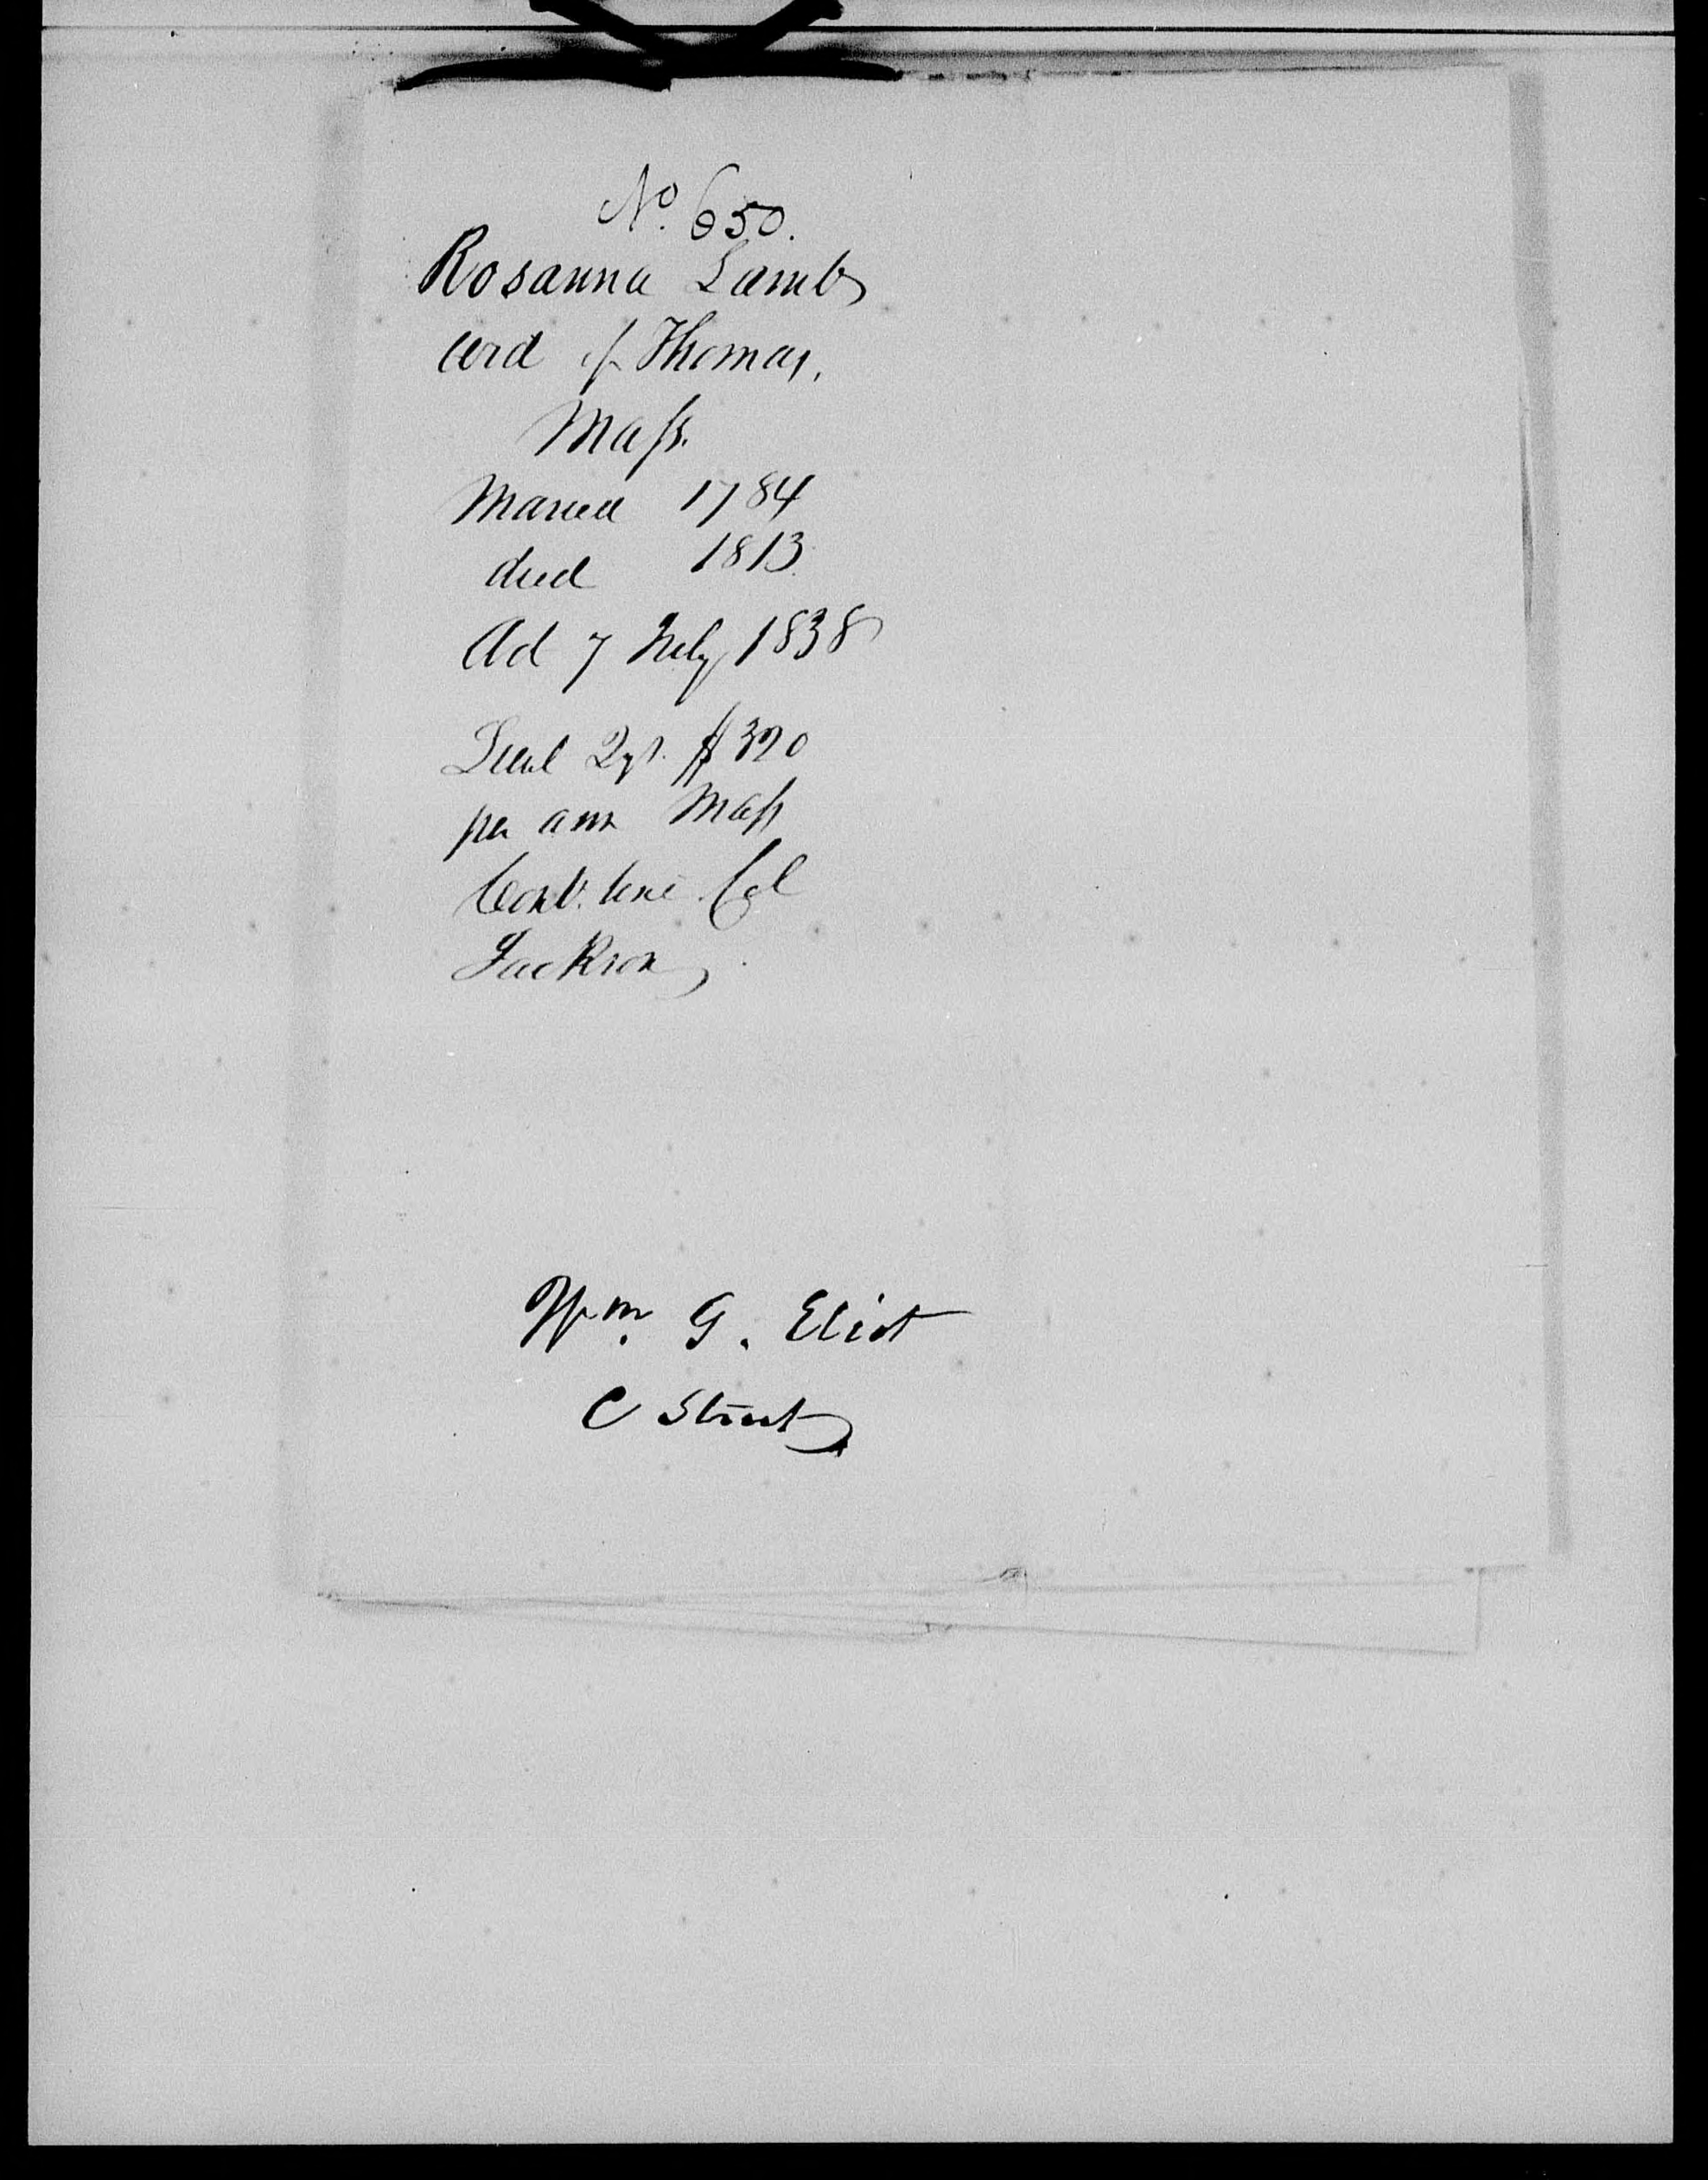No. 650.
Rosanna Lamb
Wid of Thomas, Mass.
Married 1784
died 1813
Act 7 July 1838
Lieut. Qtly. $320
per ann Mass Cont. Line Col Jackson

Wm. G. Eliot
C Street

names: Rosanna Lamb; Thomas Lamb; Wm G Eliot; [BLANK] Jackson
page: 10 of 23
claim: widow's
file: W. 15010, for Thomas Lamb, Massachusetts